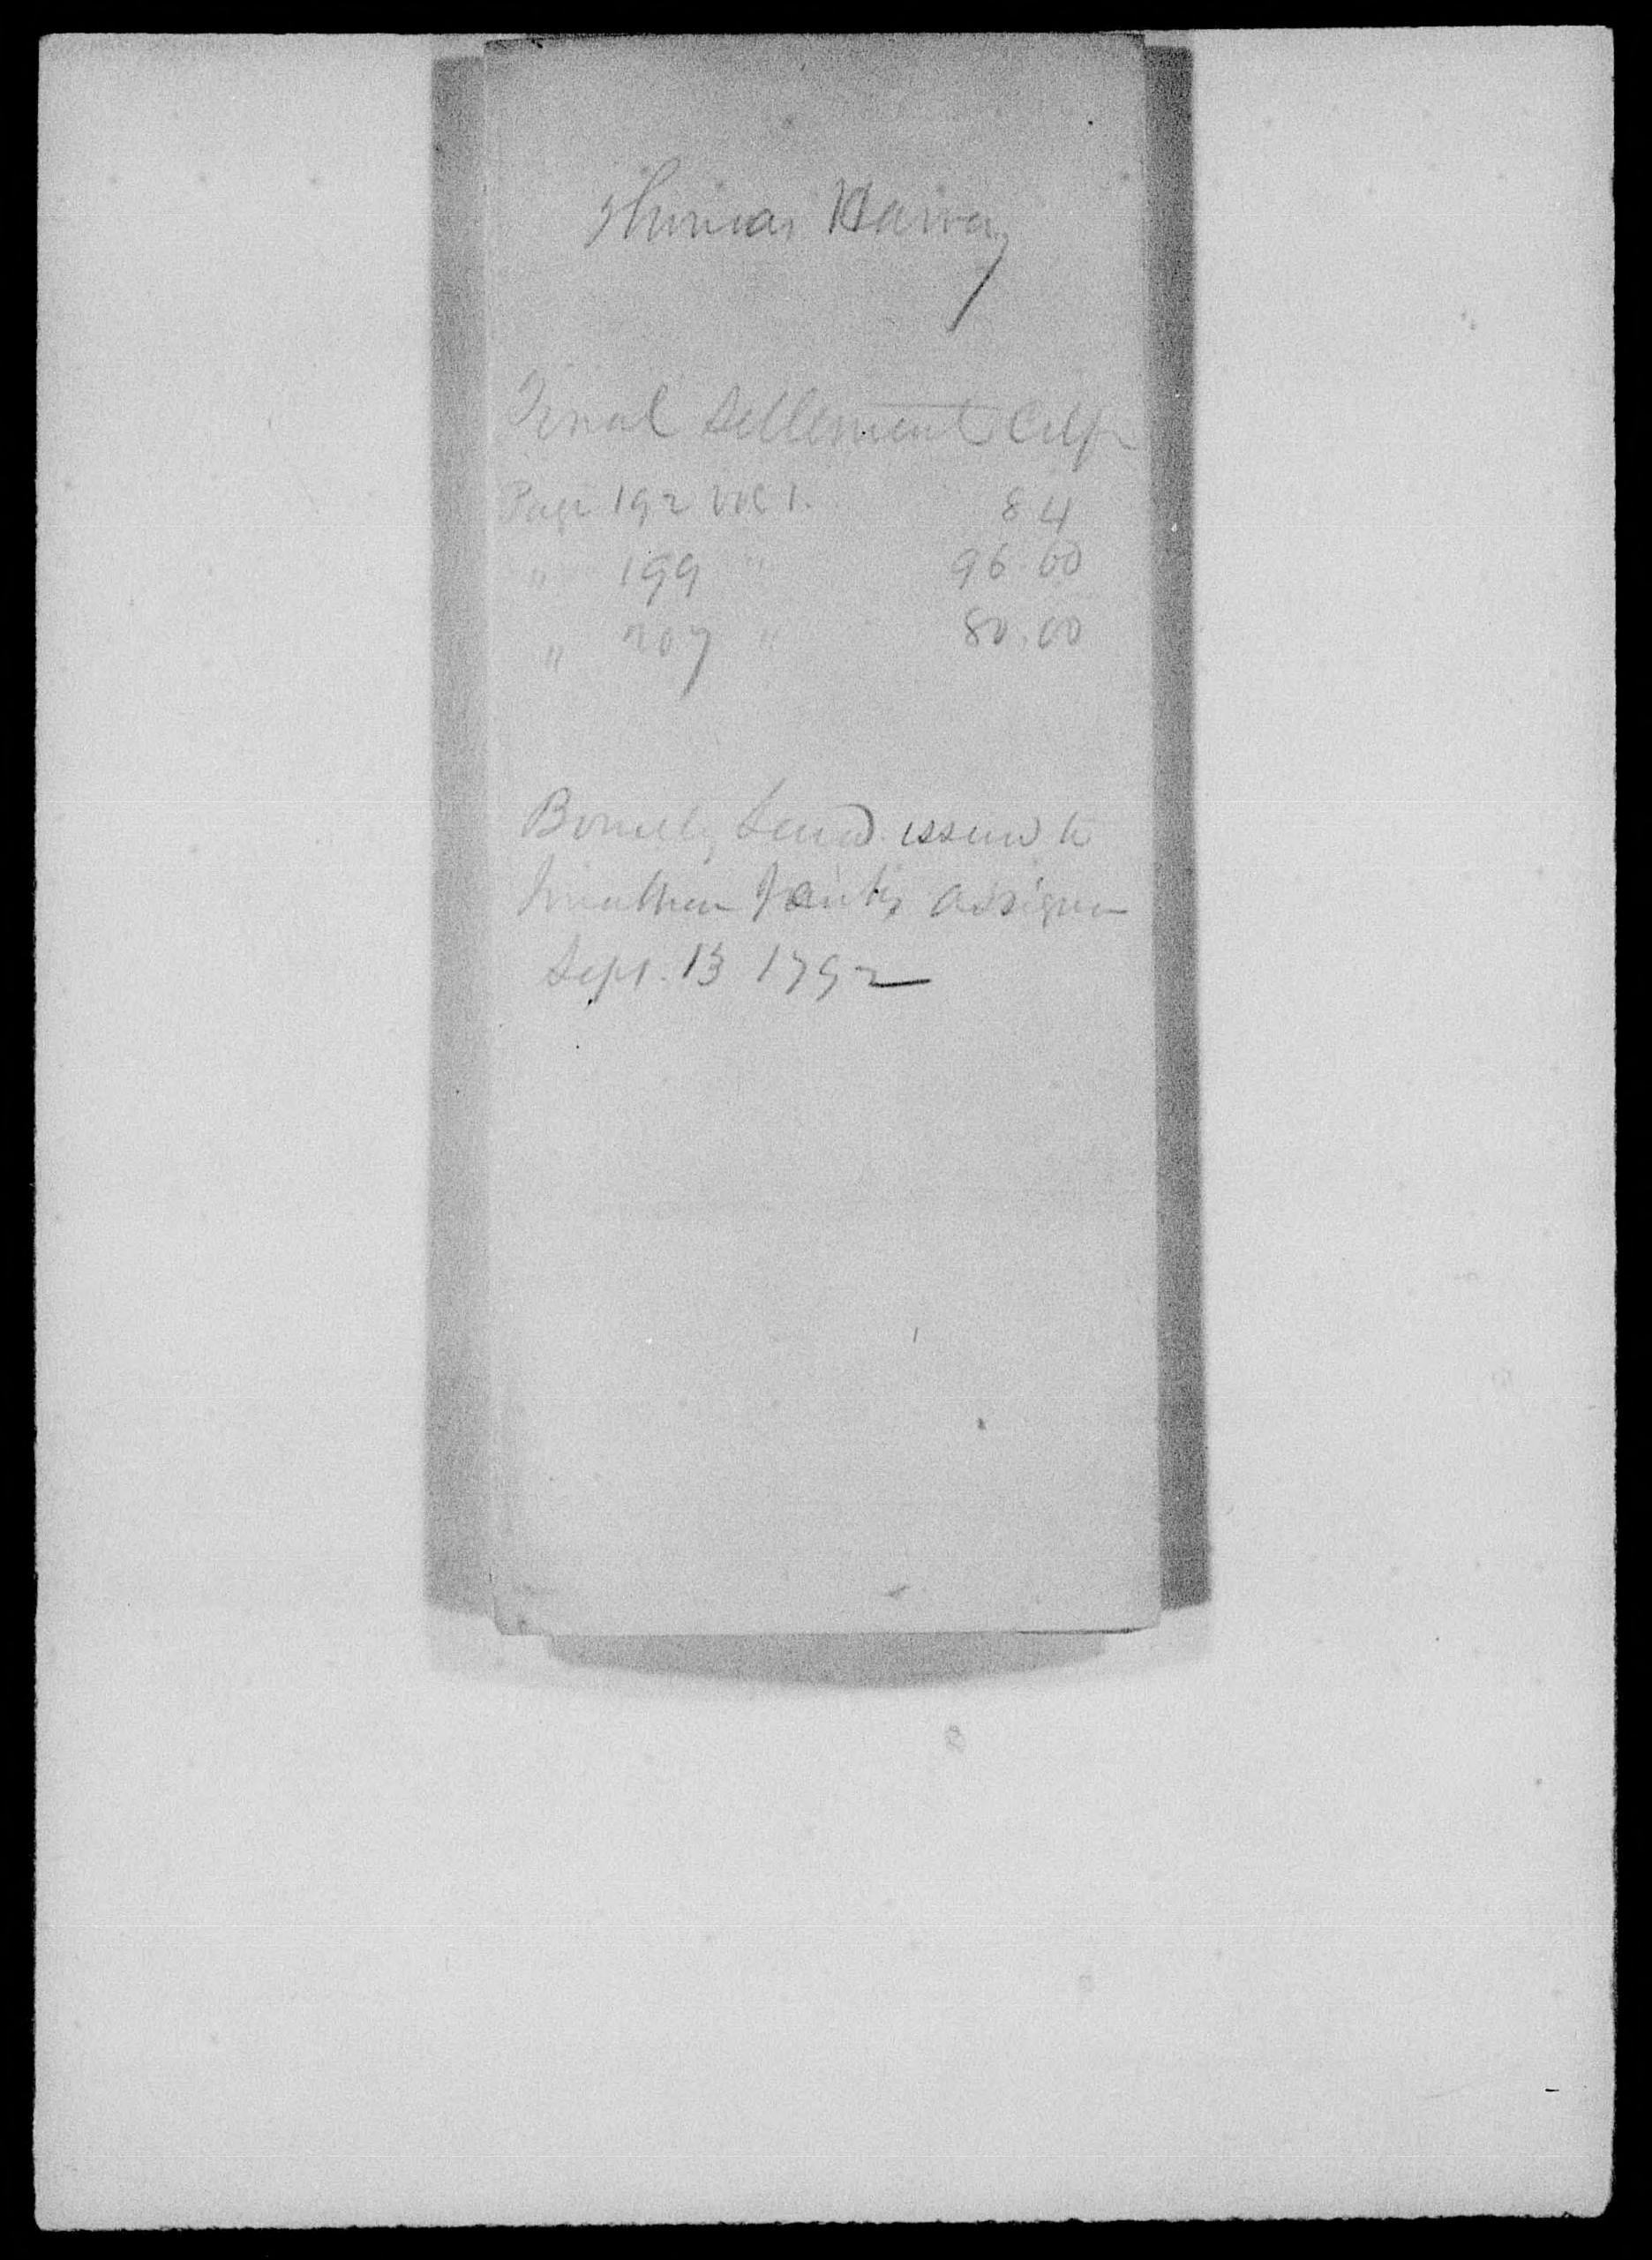Thomas Harvey
Final settlement Crtf
Page 192 vol 1. 84
  "  199  "  96.00
  "  207  "  80.00
Bounty Land issued to Jonathan Jenks assignee Sept. 13 1792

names: Jonathan Jenks, Thomas Harvey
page: 48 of 80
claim: survivor's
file: S. 18008, Thomas Harvey, N.H.